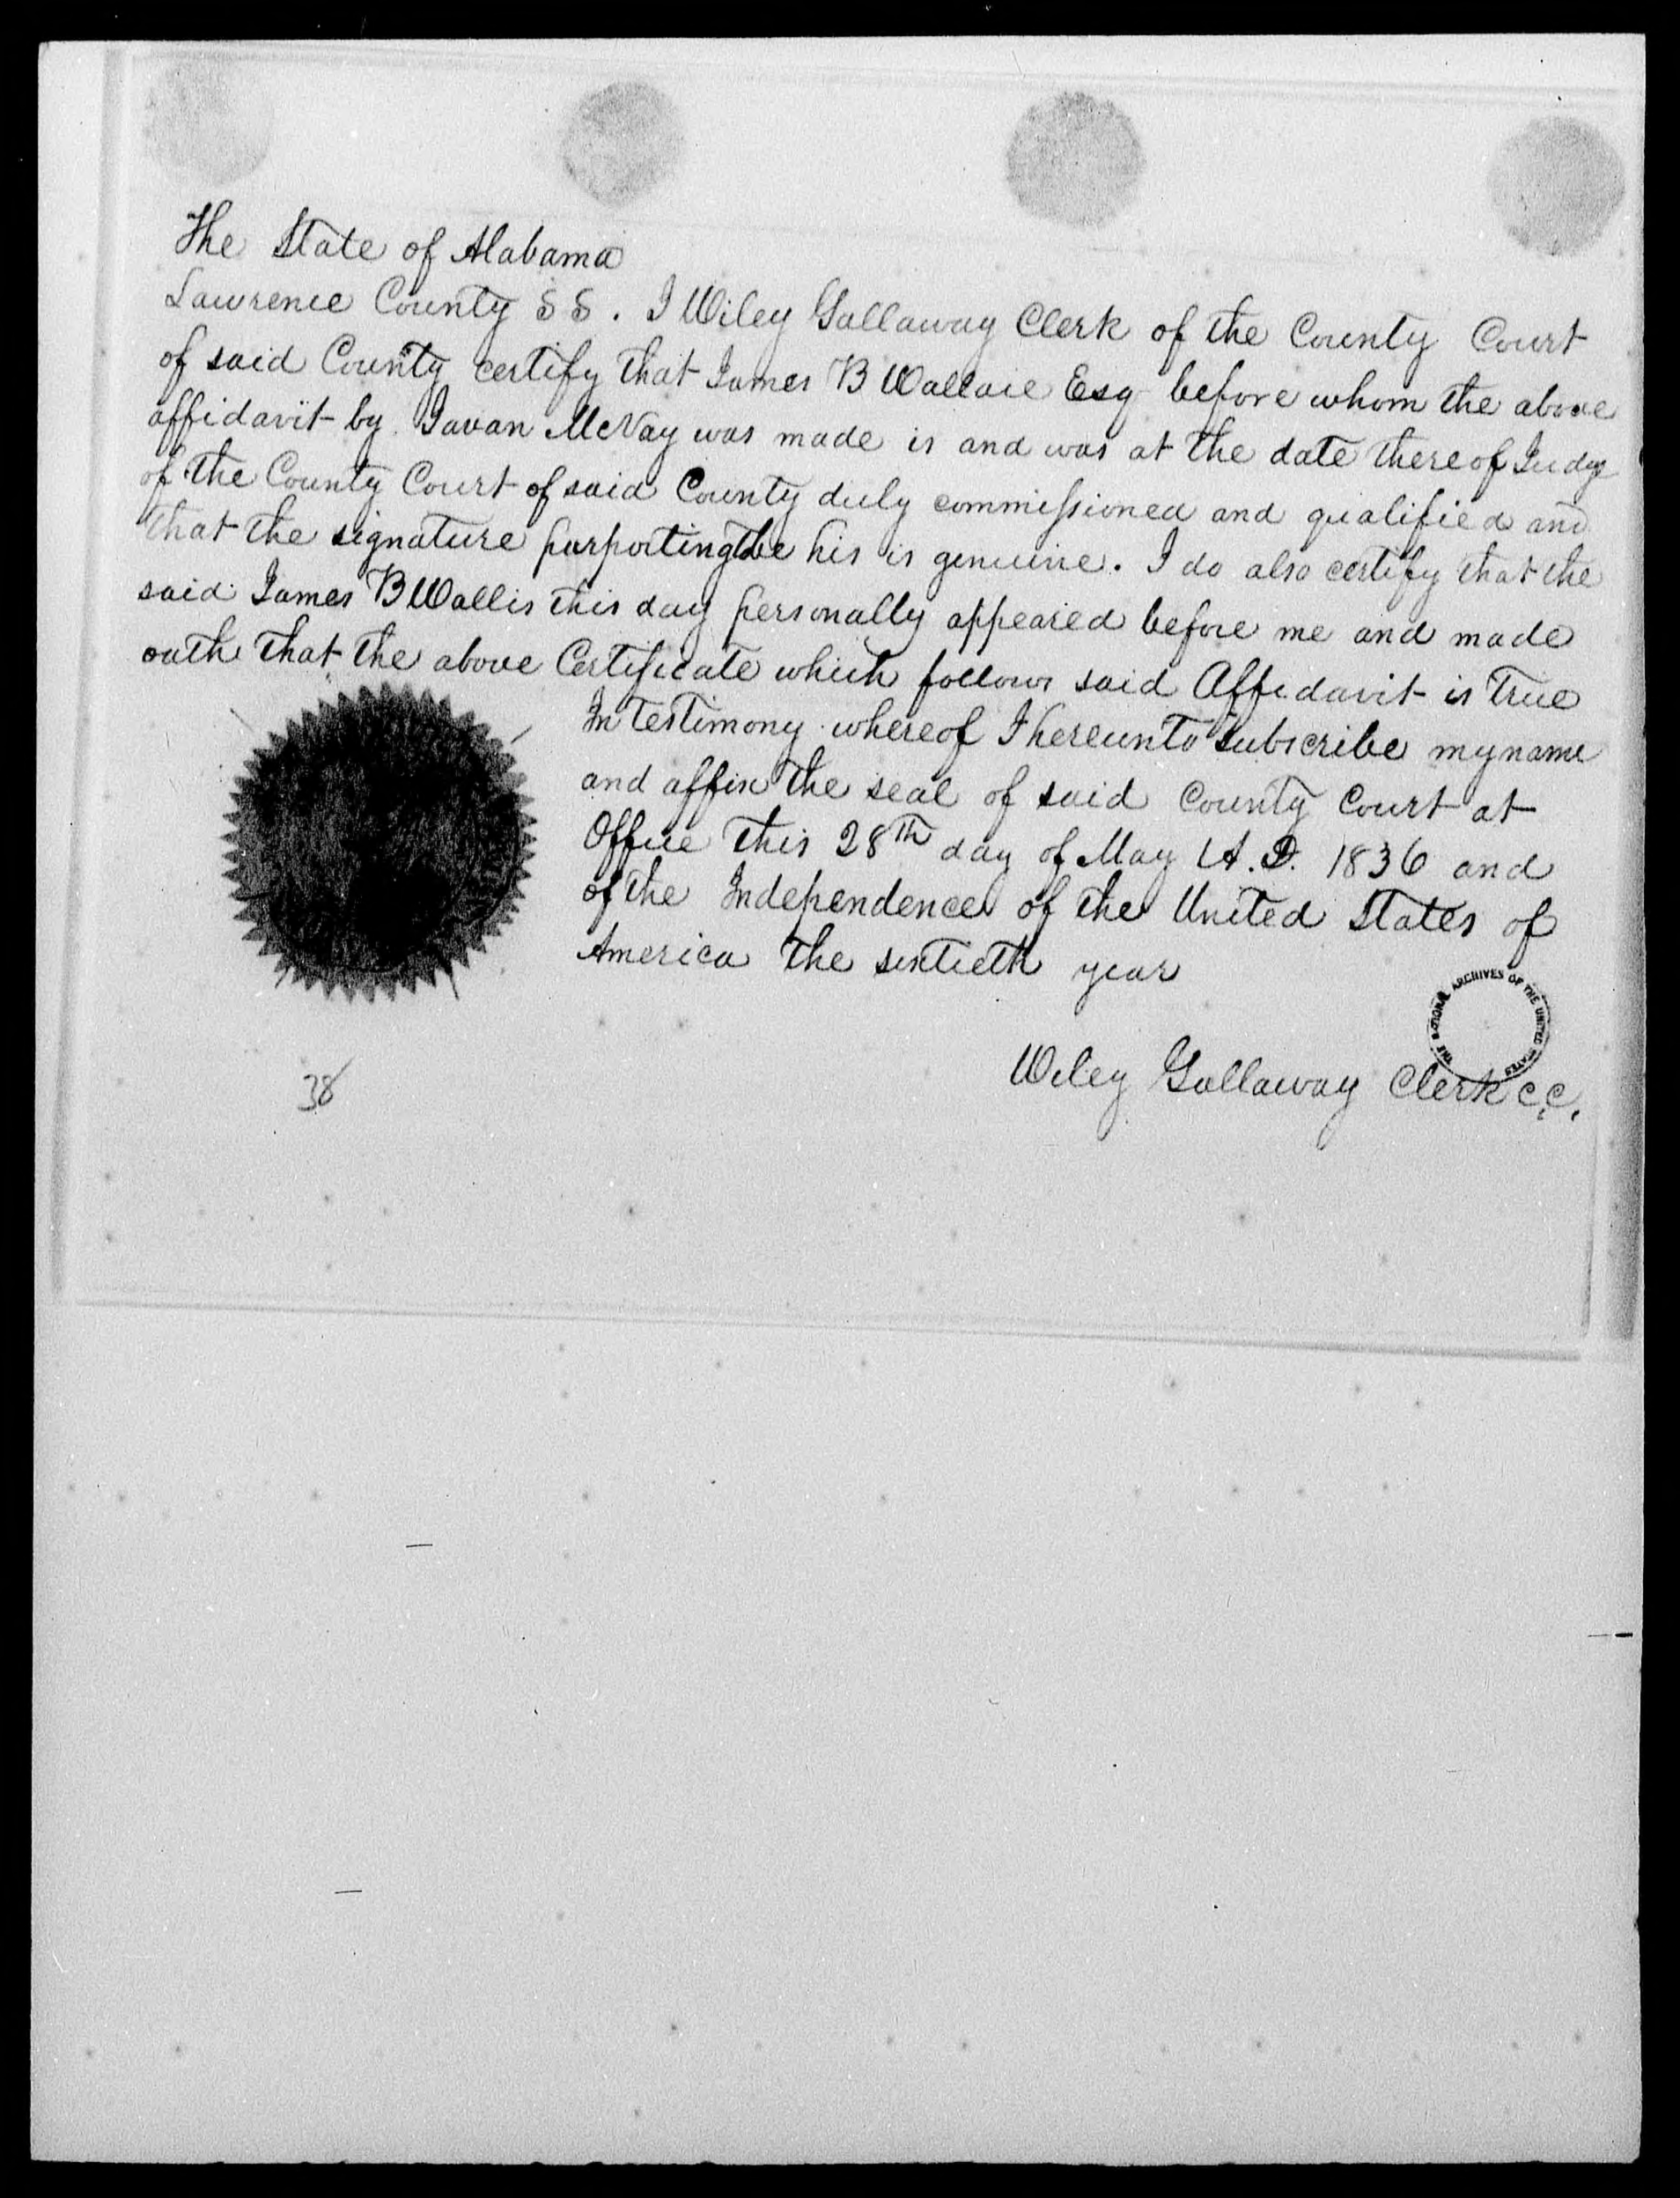The State of Alabama
Lawrence County SS. I Wiley Gallaway Clerk of the County Court of said County certify that James B Wallace Esq before whom the above
affidavit by Iavan McVay was made is and was at the date thereof Judge of the County Court of said County duly commissioned and qualified and that the signature purporting to be his is genuine. I do also certify that the
said James B Wallis this day personally appeared before me and made oath that the above certificate which follows said affidavit is true
In testimony whereof I hereunto subscribe my name of and affix the seal of said County Court at Office this 28th day of May A.D. 1836 and
of the Independence of the United States of 
America the sixtieth year
Wiley Gallaway Clerk C.C.

[stamp]
THE NATIONAL ARCHIVES OF THE UNITED STATES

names: Wiley Gallaway, Iavan Mc Vay, James B Wallace, Wiley Gallaway, James B Wallis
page: 29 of 72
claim: widow's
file: W. 897, Thomas Broughton, S.C.